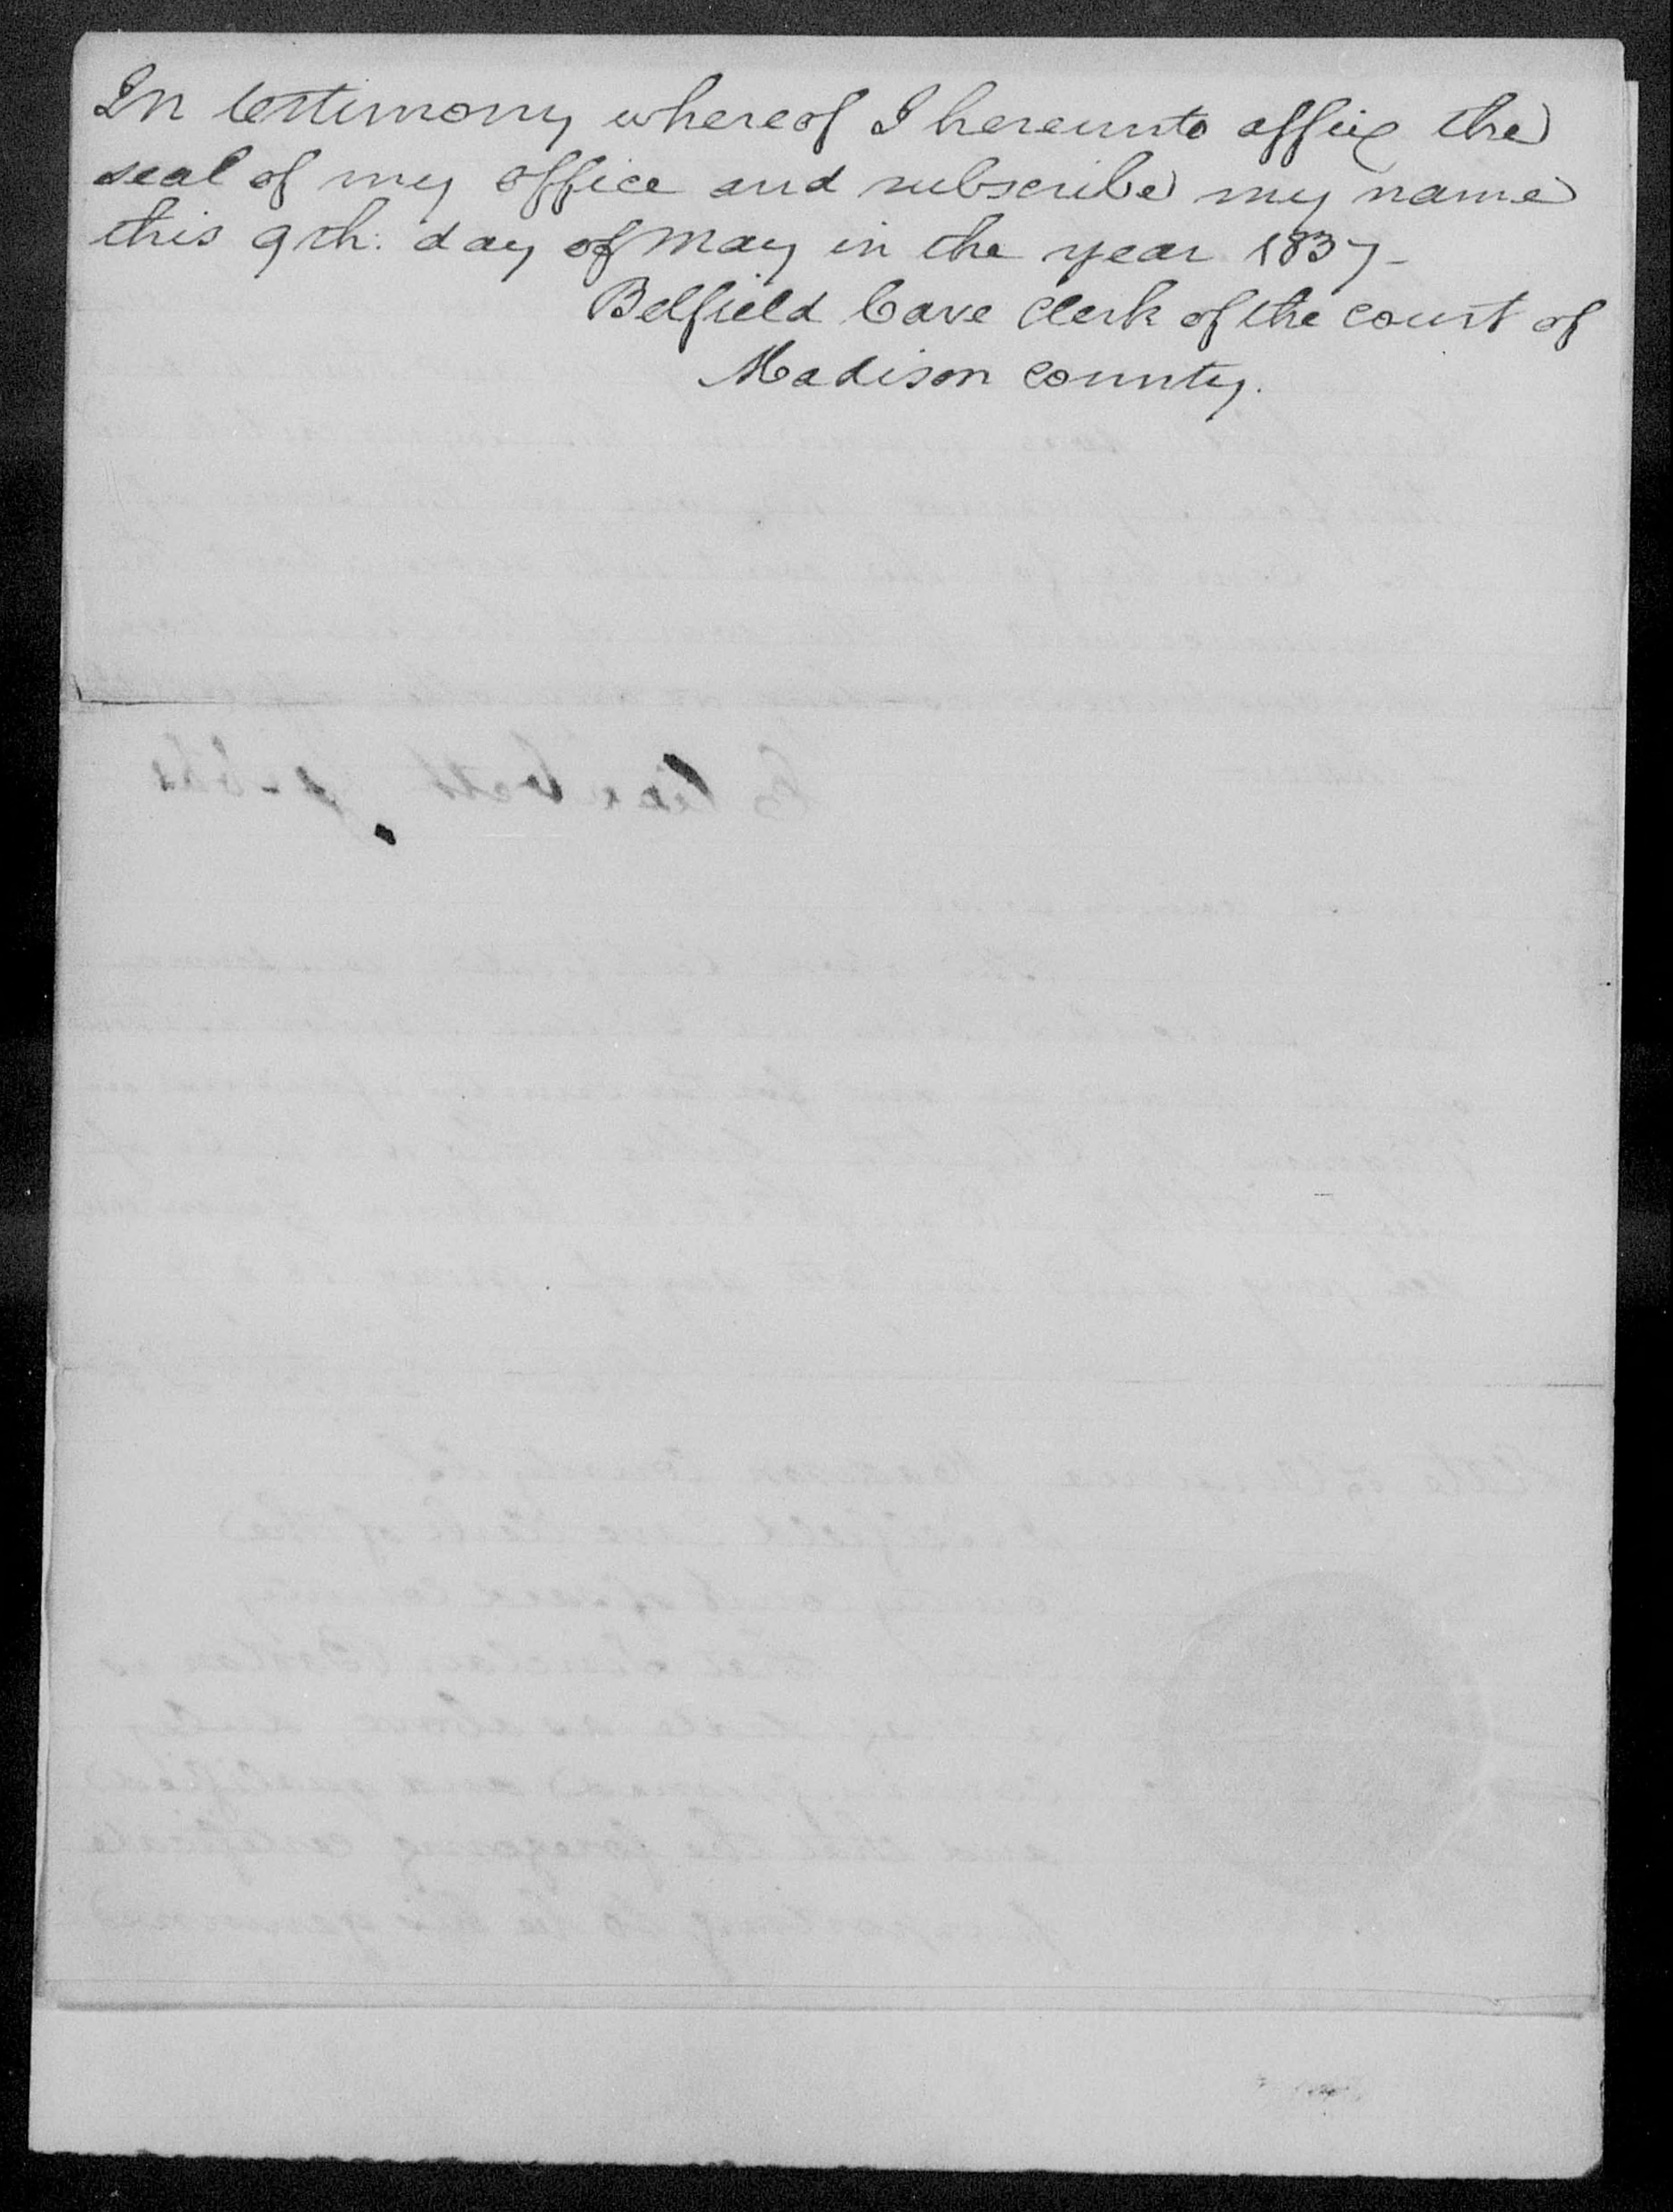In testimony whereof I hereunto affix the seal of my office and subscribe my name this 9th day of May in the year 1837.
Belfield Cave clerk of the court of Madison county.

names: Belfield Cave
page: 65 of 267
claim: widow's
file: W. 4,149, William Campbell, Va.